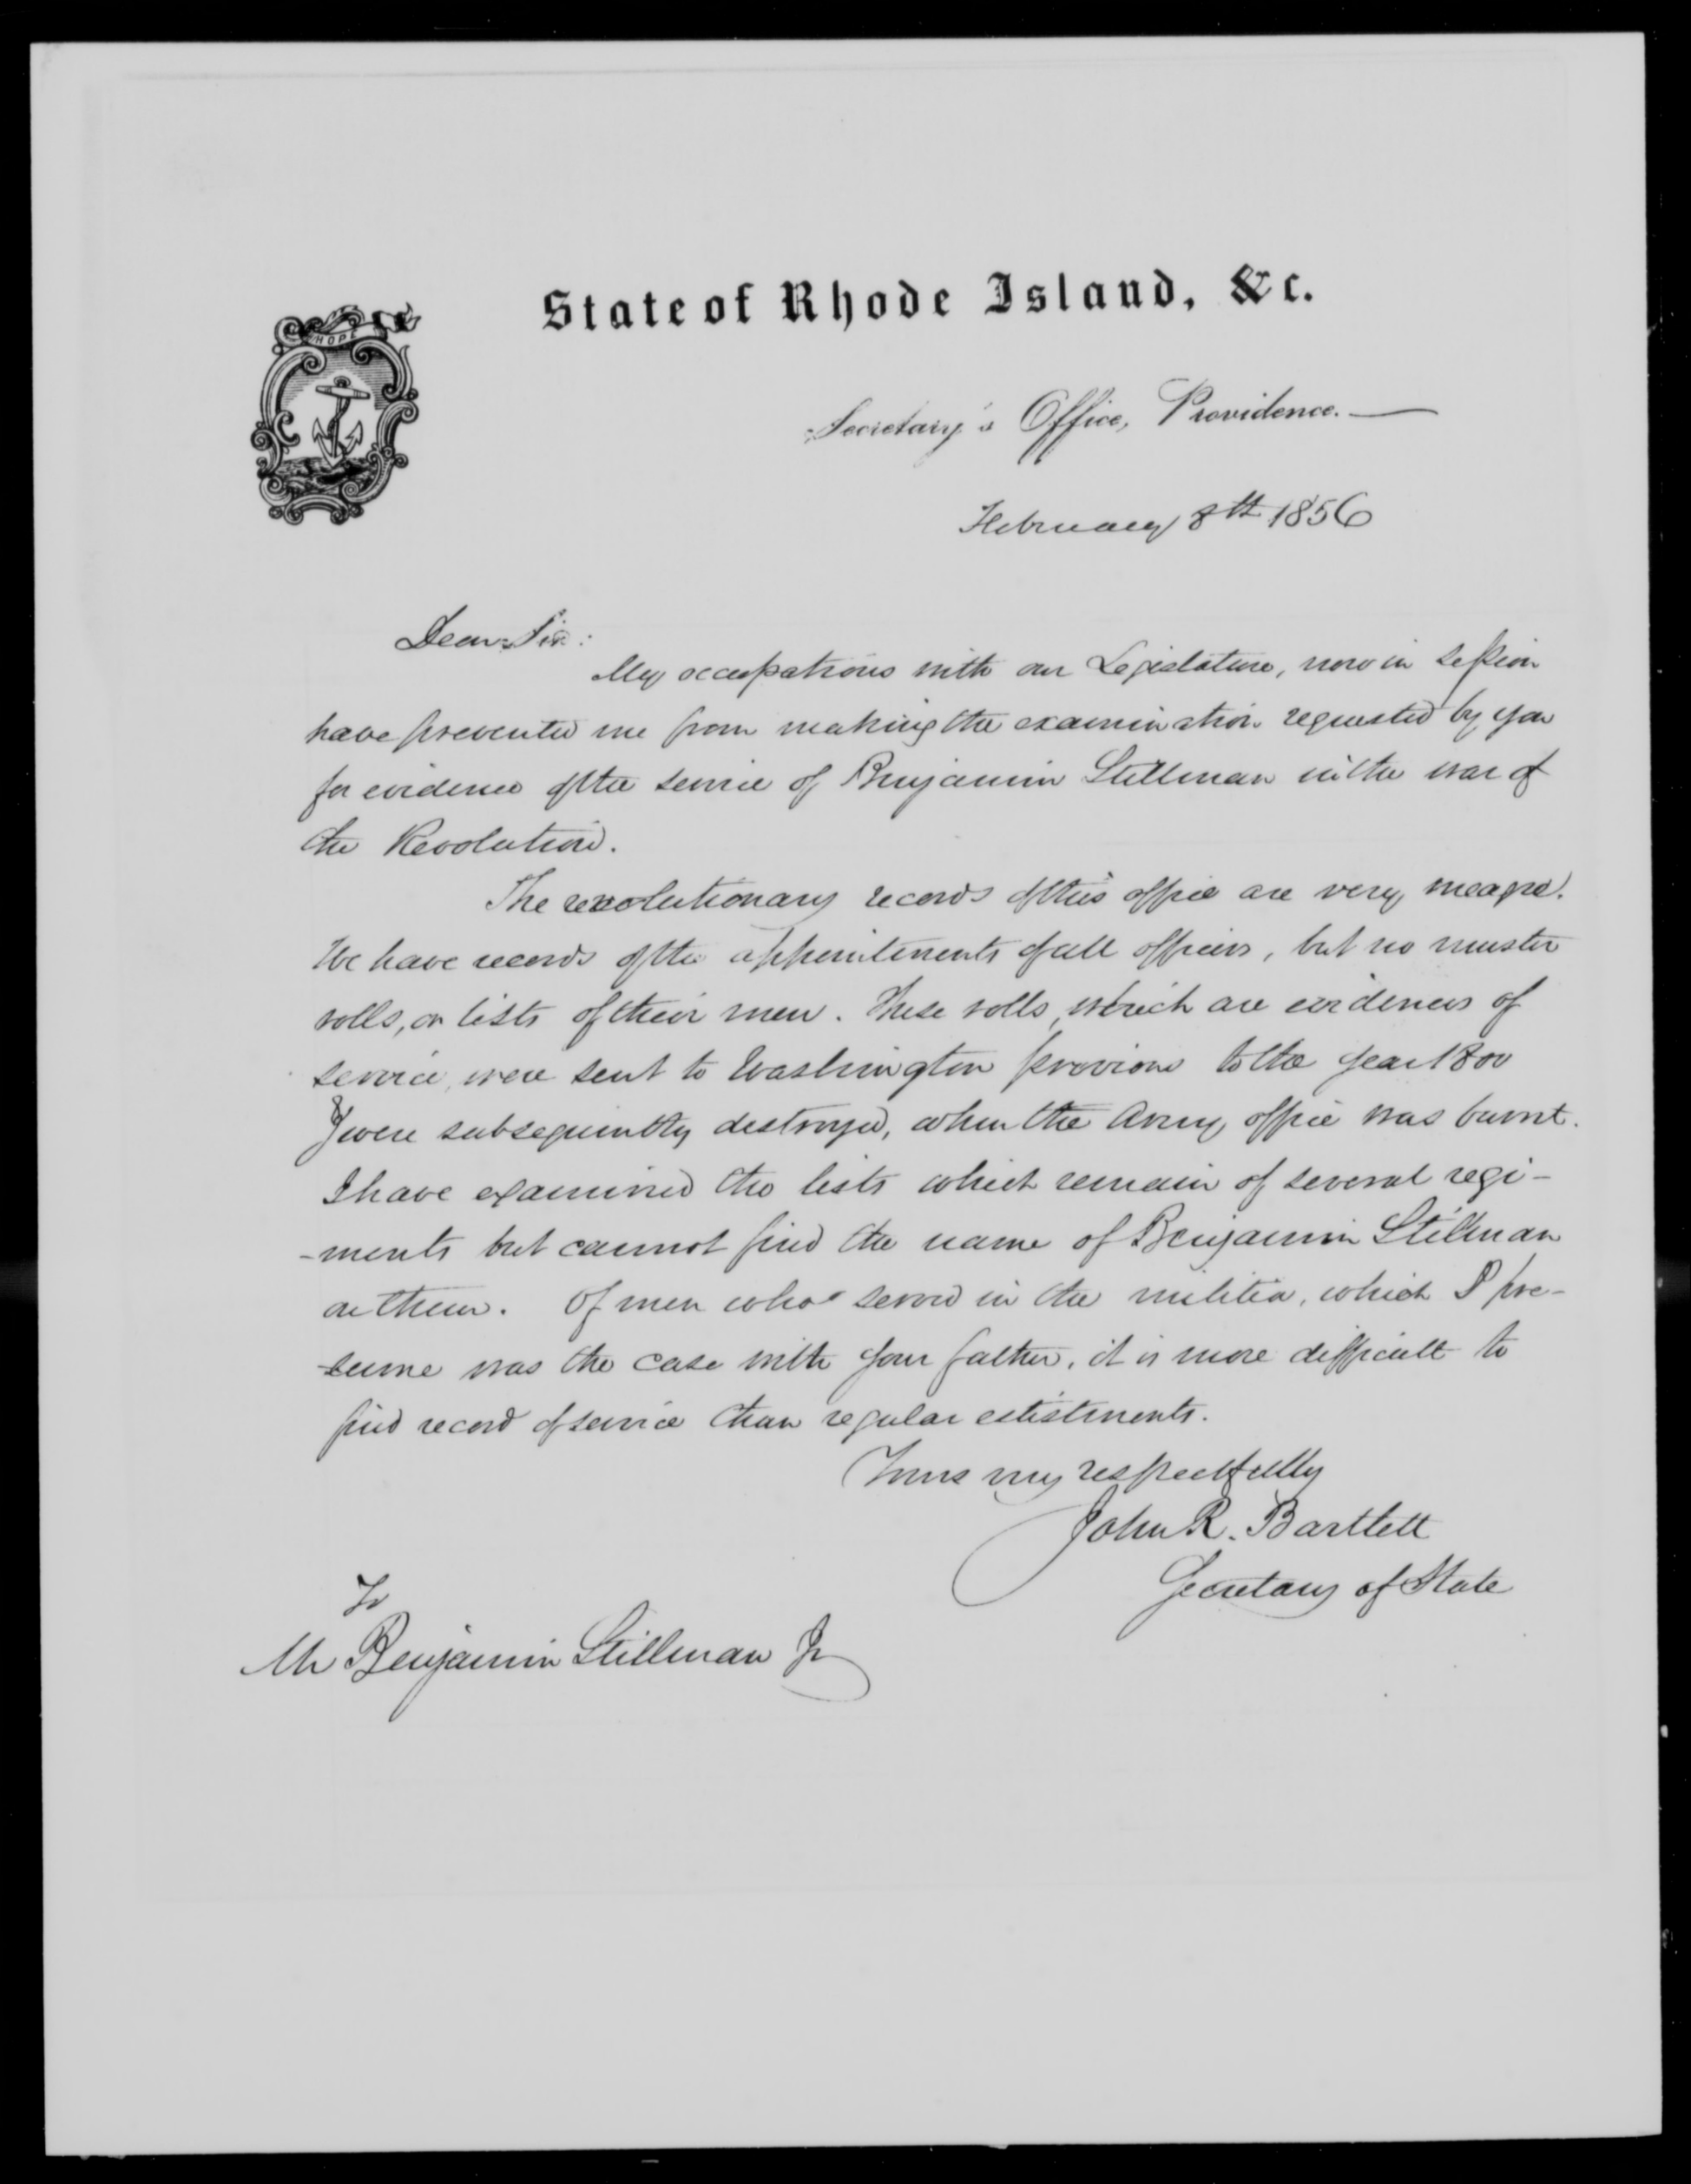State of Rhode Island, &c. 
Secretary's Office, Providence. 
February 8th 1856
 Dear Sir:
My occupations with our Legislature, now in session have prevented me from making the examination requested by you for evidence of the service of Benjamin Stillman in the war of the Revolution. 
The revolutionary records of this office are very meager. We have records of the appointment of all officers, but no muster rolls, or lists of their men. These rolls, which are evidences of service, were sent to Washington previous to the year 1800 ^& were subsequently destroyed, when the army office was burnt. I have examined the lists which remain of several regiments but cannot find the name of Benjamin Stilman on them. Of men who served in the militia, which I presume was the case with your father, it is more difficult to find record of service than regular enlistments. 

Yours my respectfully 
John R. Bartlett 
Secretary of State
 
To
Mr Benjamin Gillman Jr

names: John R Bartlett; Benjamin Stillman; Benjamin Stillman; Benjamin Stillman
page: 21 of 29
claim: bounty land warrant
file: B.L.Wt.47987-160-55, for Benjamin Stillman, Rhode Island